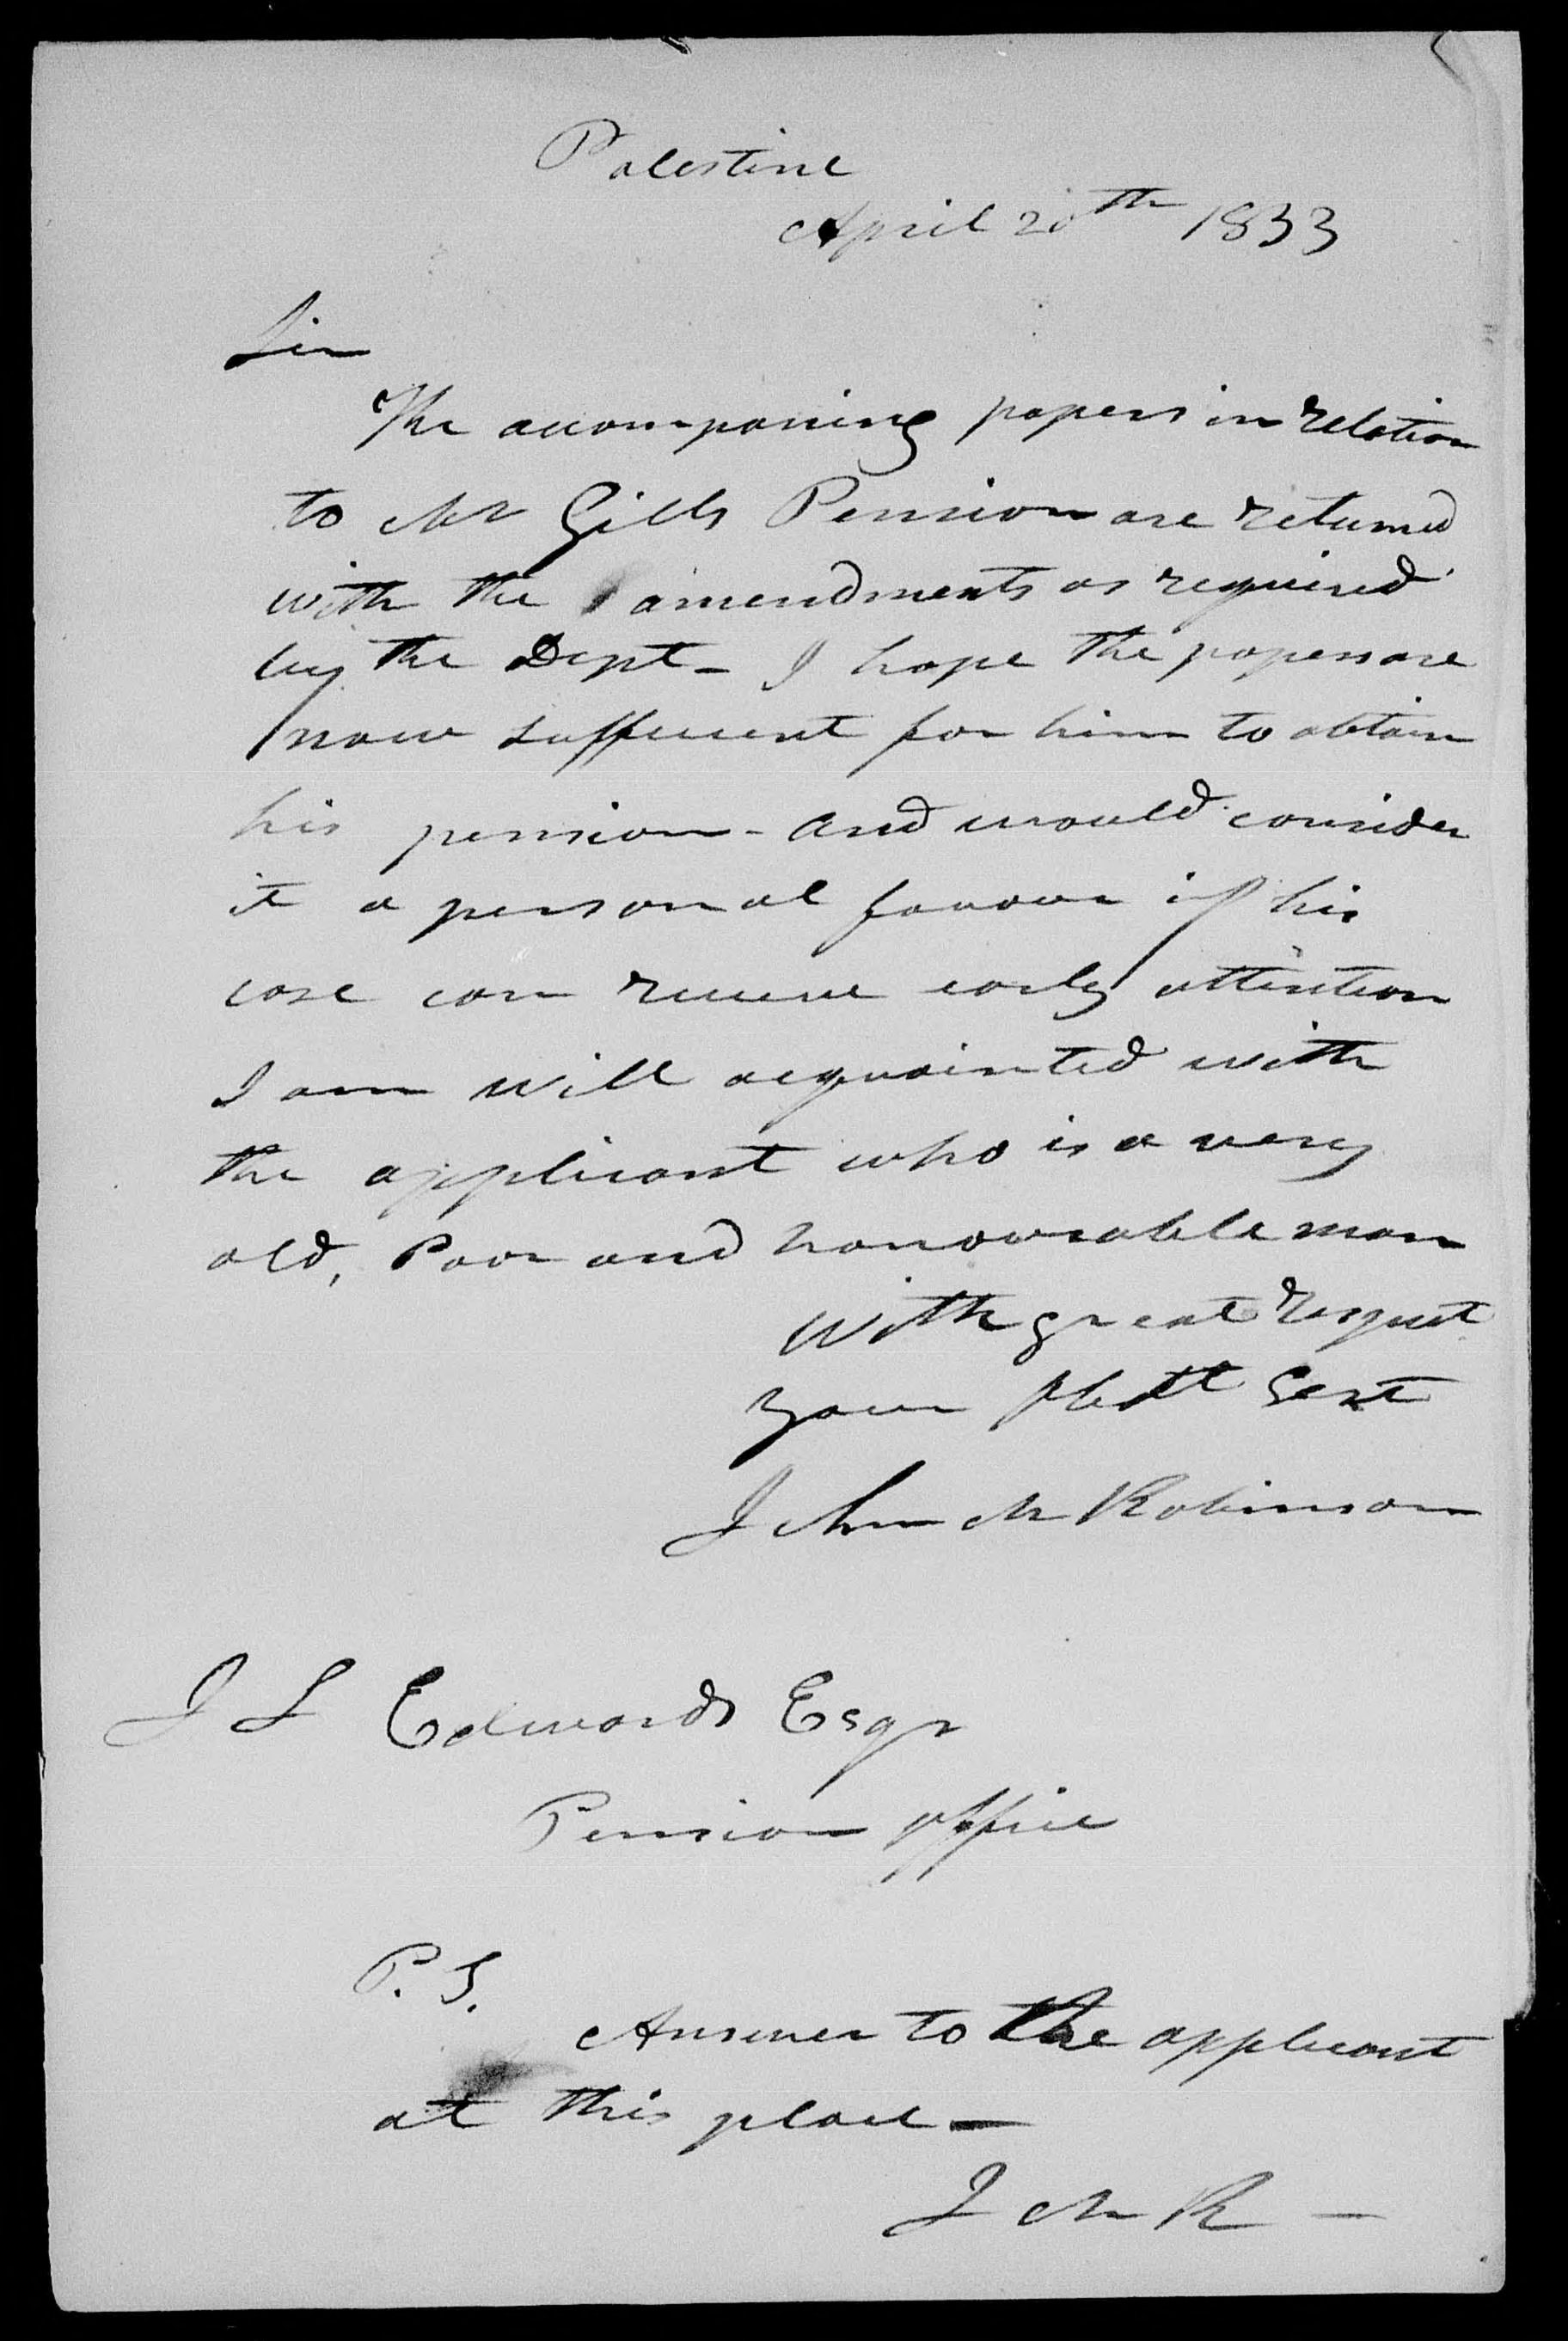Palestine April 20th 1833 Sir,  The accompanying papers in relation to  Mr. Gill's pension are returned with the amendments as required by the Department  for him to obtain his pension  - and would  consider it a personal favor if his  case can  receive  early attention  . I am well acquainted with the applicant who is a very old, poor and honorable man . With great respect your obt. sevt.  John M. Robinson 
 J.L. Edwards Esq Pensions office  P.S. Answer to the applicant at this place  JMR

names: Gill, J L Edwards, John M Robinson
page: 24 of 44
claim: survivor's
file: S. 31,061, Thomas Gill, S.C.